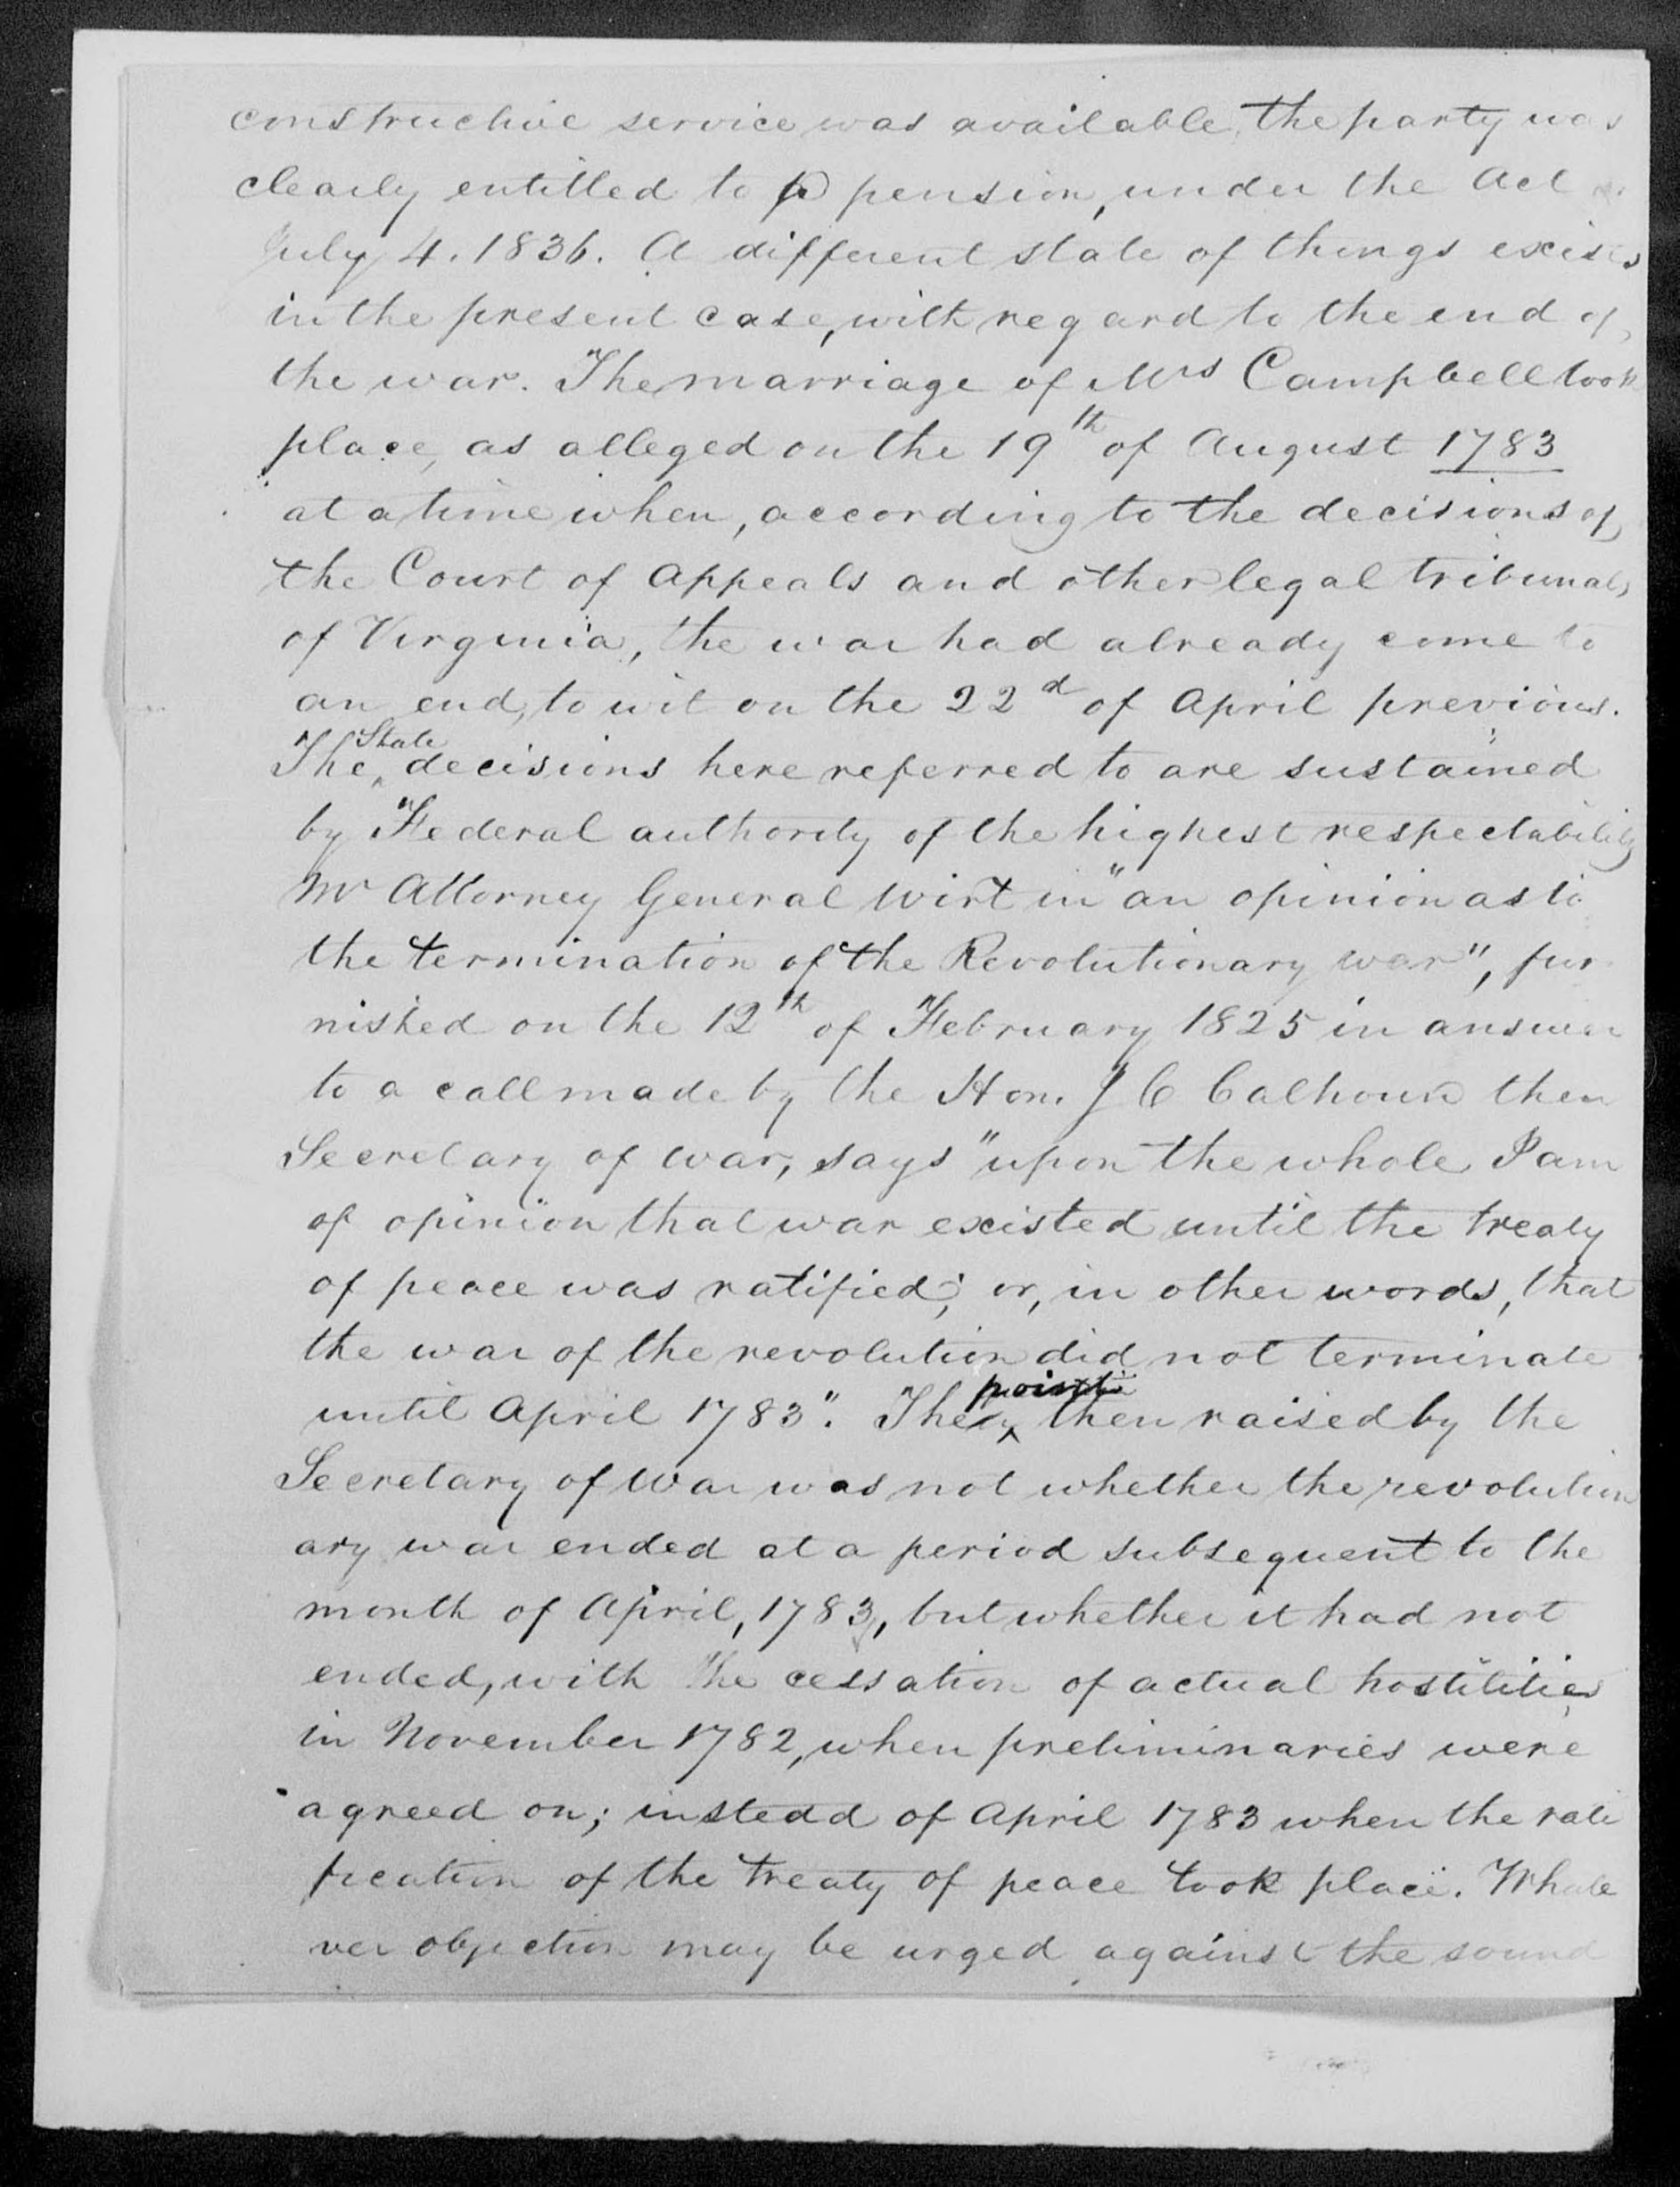constructive service was available the party was clearly entitled to a pension, under the Act of July 4. 1836. A different state of things existed in the present case, with regard to the end of the war. The marriage of Mrs Campbell took place, as alleged on the 19th of August [underline] 1783 [end underline] at a time when, according to the decisions of the Court of Appeals and other legal tribunals of Virginia, the war had already come to an end to wit on the 22d of April previous. The [insert] State [end insert] decisions here referred to are sustained by Federal authority of the highest respectability Mr Attorney General Wirt in "an opinion as to the termination of the Revolutionary war", furnished on the 12th of February 1825 in answer to a call made by the Honr J C Calhoun then Secretary of war, says "upon the whole Pain of opinion that war existed until the treaty of peace was ratified, or, in  other words, that the war of the revolution did not terminate until April 1783".  The [insert] point [end insert] then raised by the Secretary of war was not whether the revolutionary war was ended at a period subsequent to the month of April, 1783, but whether it had not ended, with the cessation of actual hostilities in November 1782, when preliminaries were agreed on; instead of April 1783 when the ratification of the treaty of peace took place. Whatever objection may be urged against the sound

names: Wirt, J C Calhoun, Campbell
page: 85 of 267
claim: widow's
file: W. 4,149, William Campbell, Va.